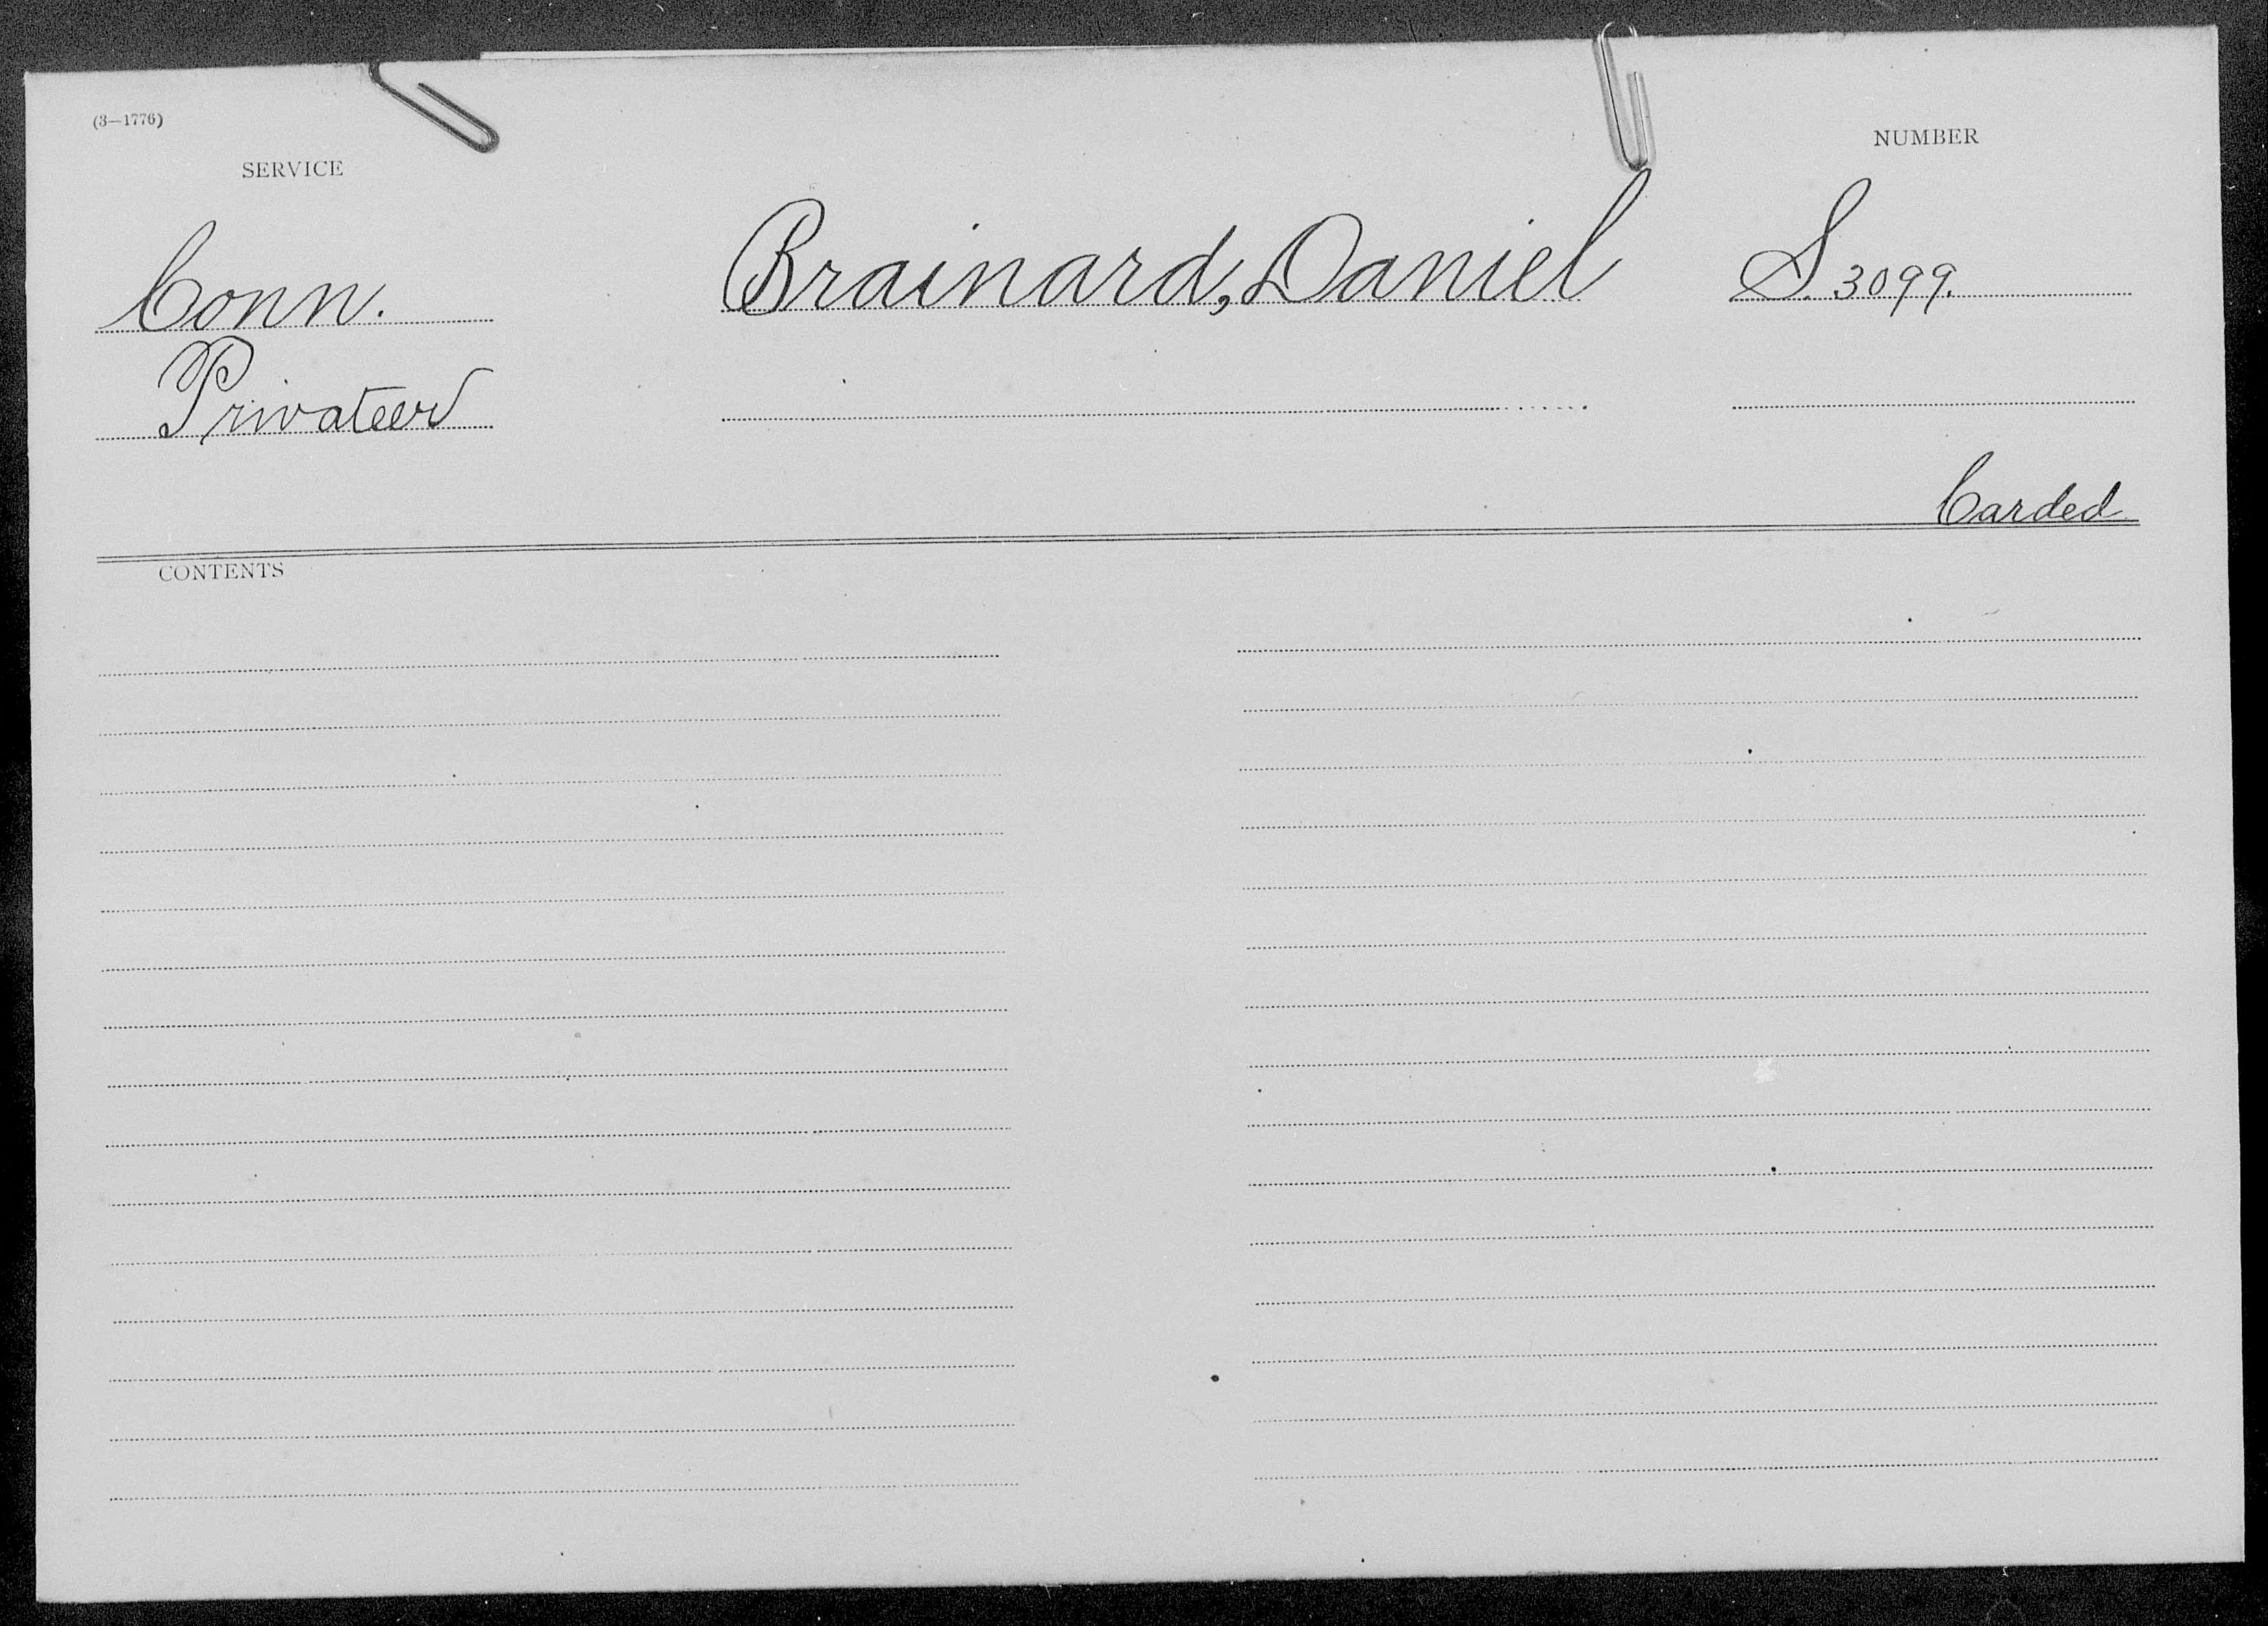Connecticut
Privateer

Brainard, Daniel

S. 3099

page: 1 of 30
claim: survivor's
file: S. 3099, Daniel Brainard, Conn. Privateer